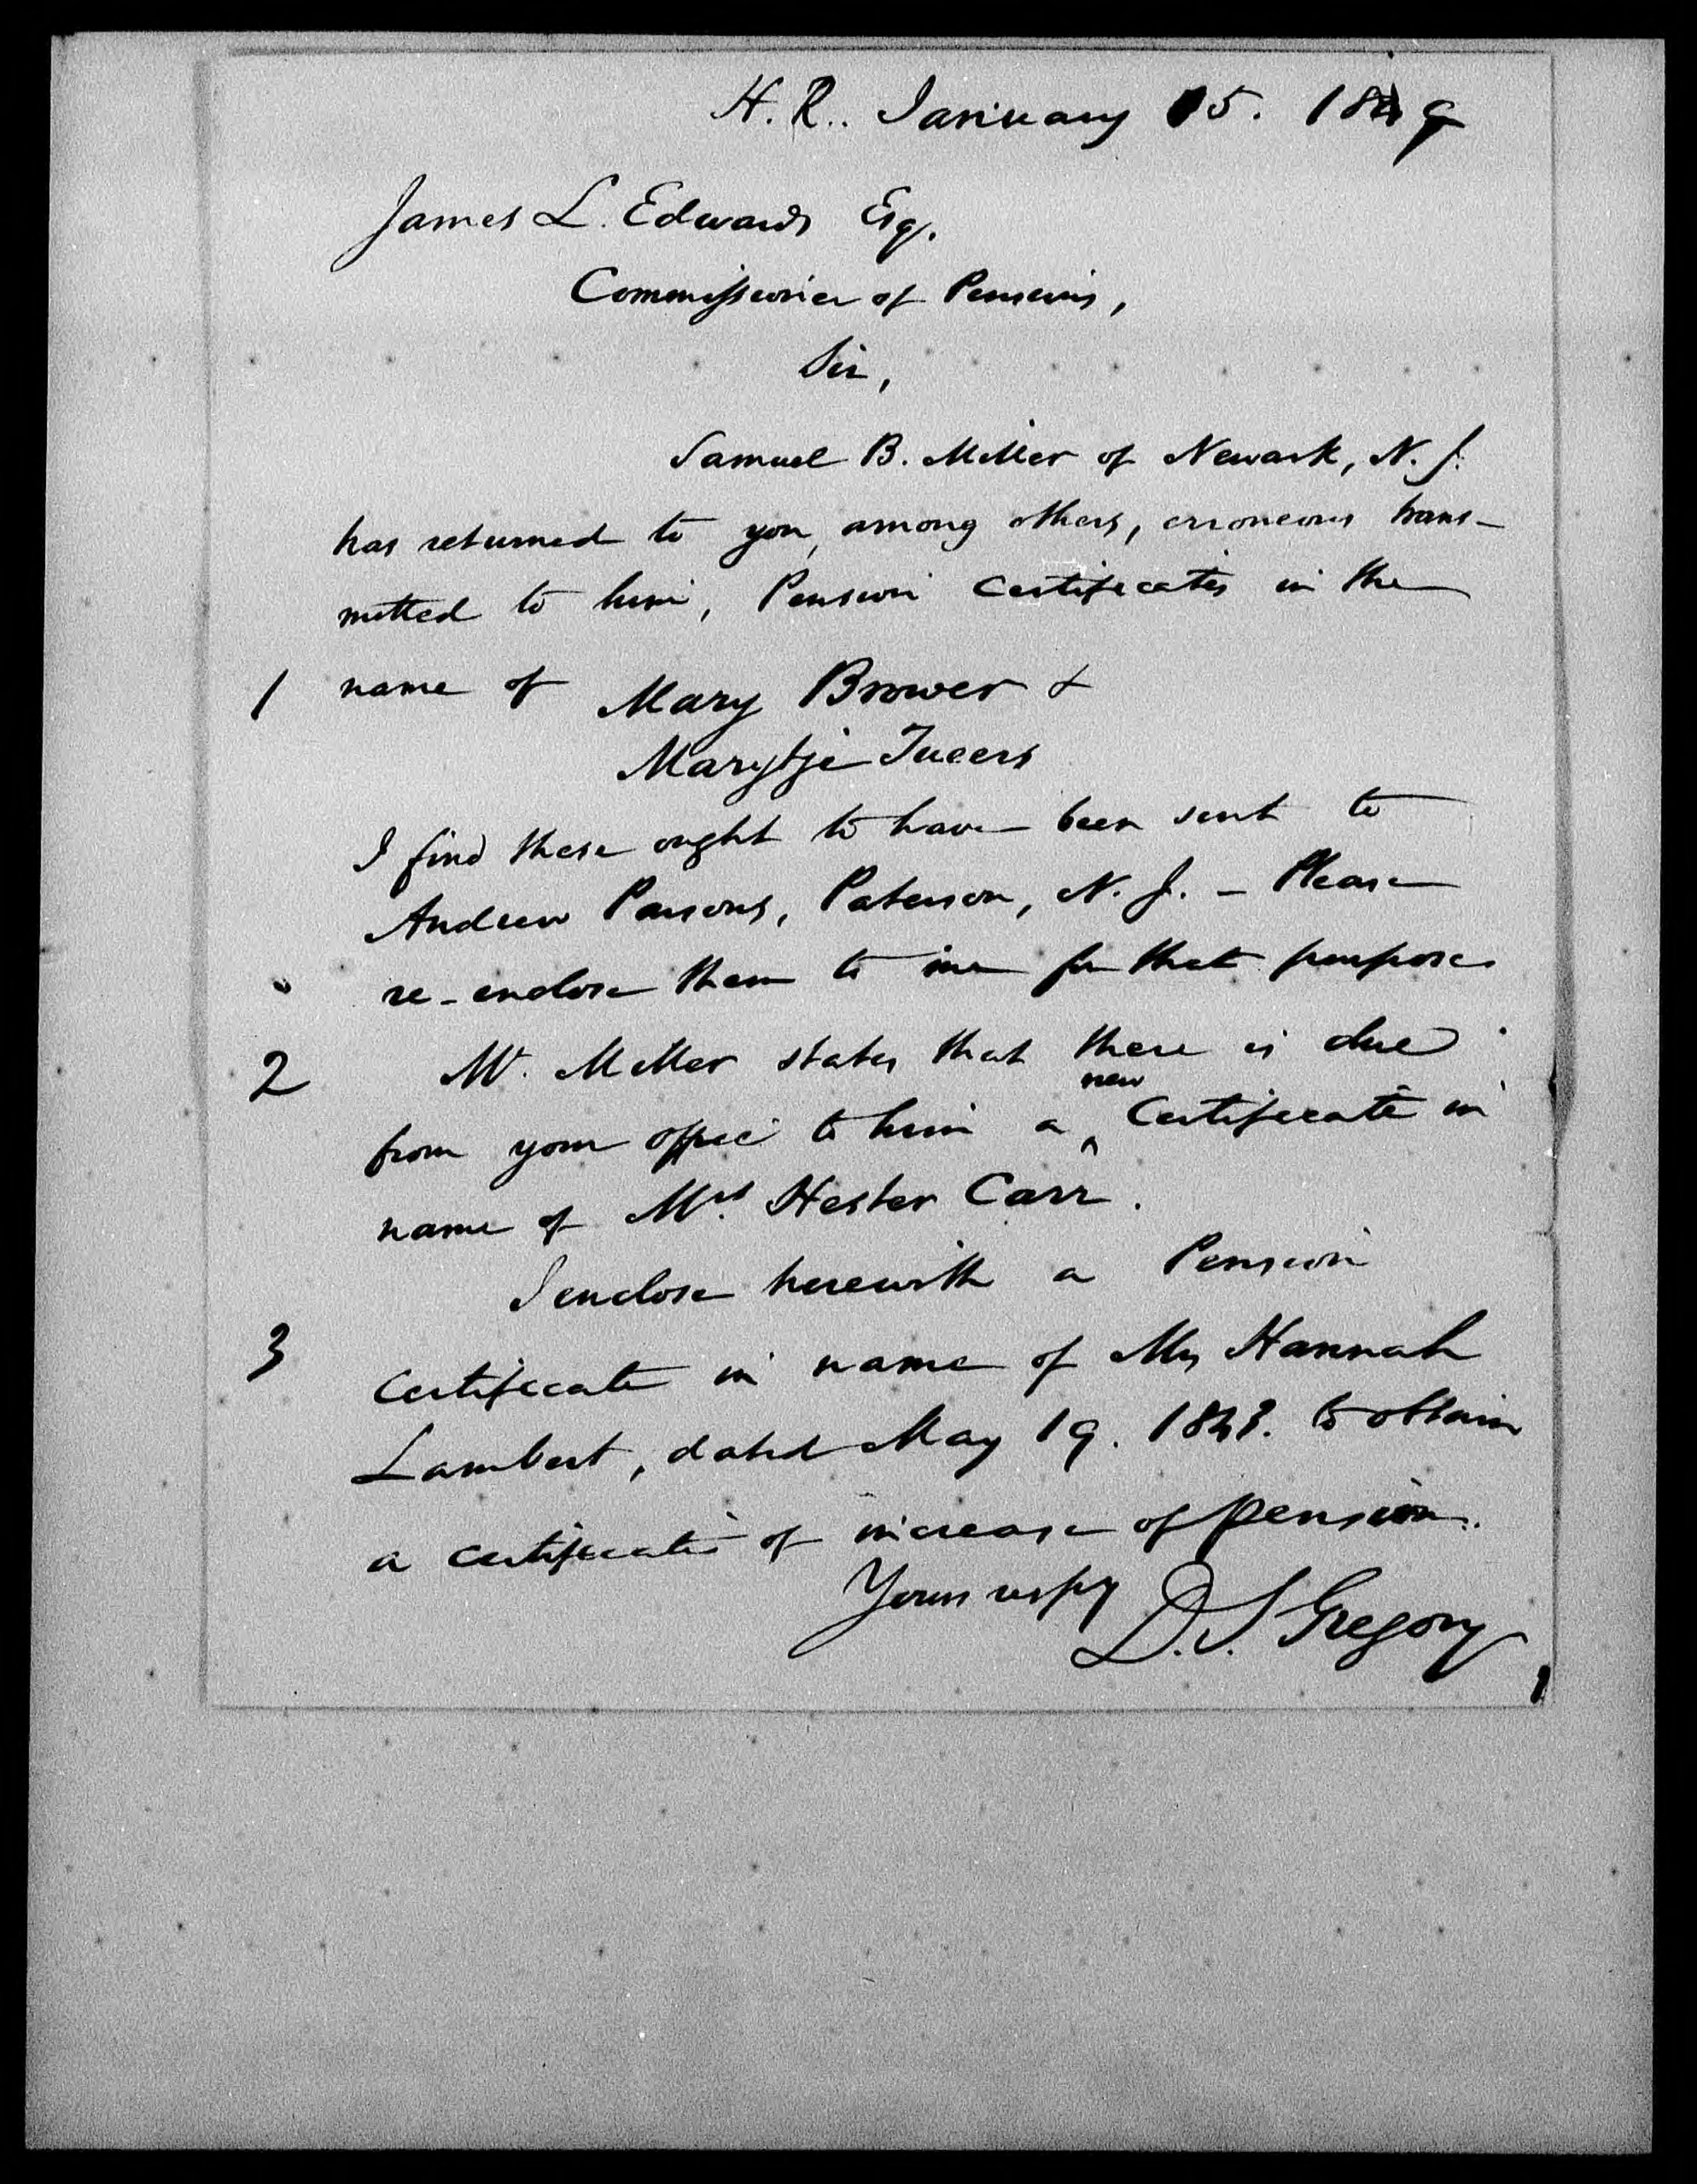H.R. January15, 1849
James L. Edwards Esq
Commissioner of Pensions,
Sir
Samuel B. Miller of Newark, N.J. has returned to you among others, erroneous transmitted to him pension certificates in the
Mary Brower &
Marytje Tueers
I find these ought to have been sent to Andrew Parsons, Paterson, N.J. Please reinclose them to me for that purpose
2 W. Miller states that there is due from your office to him a new Certificate in name of Mrs Hester Carr
3 I enclose herewith a Pension Certificate in name of Mrs Hannah Lambert, dated May 19, 1846 to obtain a certificate of increase of pension
Yours respy
D. S. Gregory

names: Hannah Lambert; Marytje Tueers; Andrew Parsons; Mary Brower; Hester Carr; James L Edwards; D S Gregory; Samuel B Miller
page: 26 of 49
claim: widow's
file: W. 859, for James Lambert, New Jersey